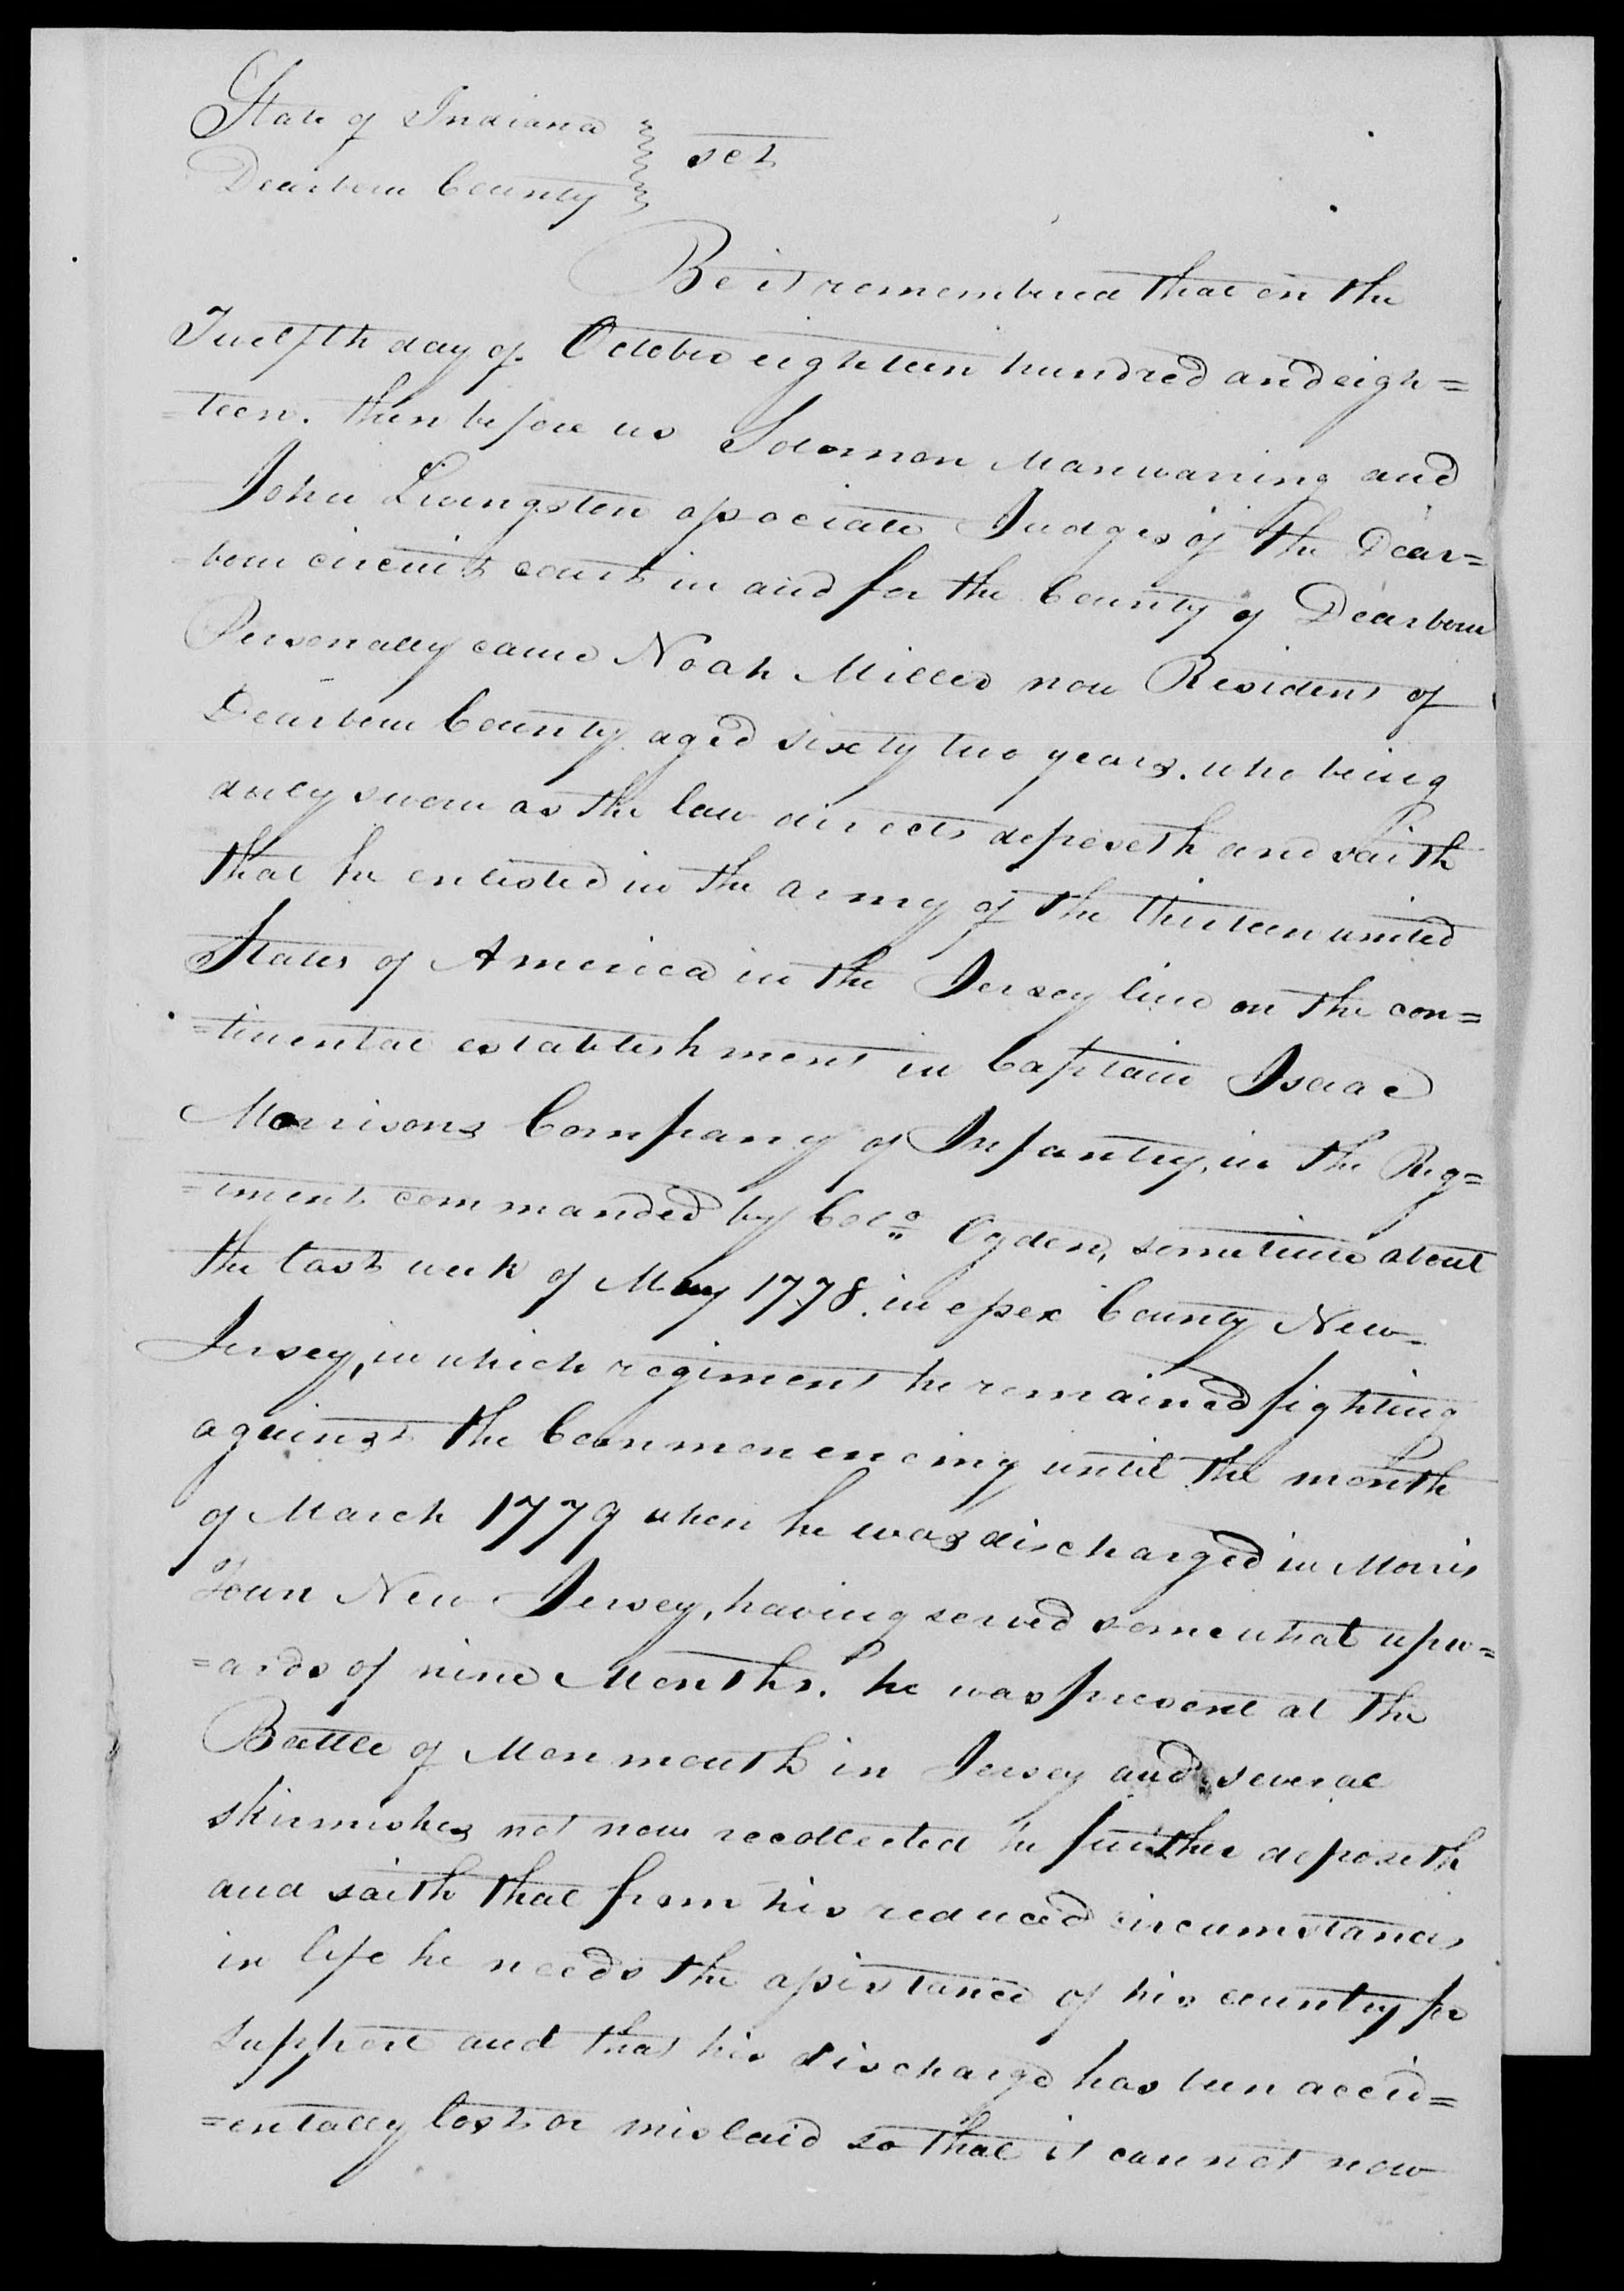State of Indiana
Dearborn County
ss

Be it remembered that on the twlefth day of October eighteen hundred and eighteen then before us Soloman Manwaring and John Livingston associate Judges of the Dearborn circuit court in and for the County of Dearborn Personally came Noah Miller now resident of Dearborn County aged sixty two years who being duly sworn as the law directs deposeth and saith that he enlisted in the army of the thirteen United States of America  in the Jersey line on the continental establishment in Captain Isaac Harrison's Company of Infantry in the Regiment commanded by Col. Ogden, sometime about the last week of May 1778 in Essex County New Jersey, in which regiment he remained fighting against  the common enemy until the month of March 1777 when he was discharged in Morristown New Jersey, having served somewhat upwards of nine months.  He was present at the Battle of Monmouth om Jersey and several skirmishes note now recollected he further deposeth and saith that from his reduced circumstances in life he needed the assistance of his country for support and that his discharge has been accidentally lost or mislaid so that it cannot now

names: Noah Miller; John Livingston; [BLANK] Ogden; Solomon Manwaring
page: 4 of 20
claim: survivor's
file: S. 36129, for Noah Miller, New Jersey